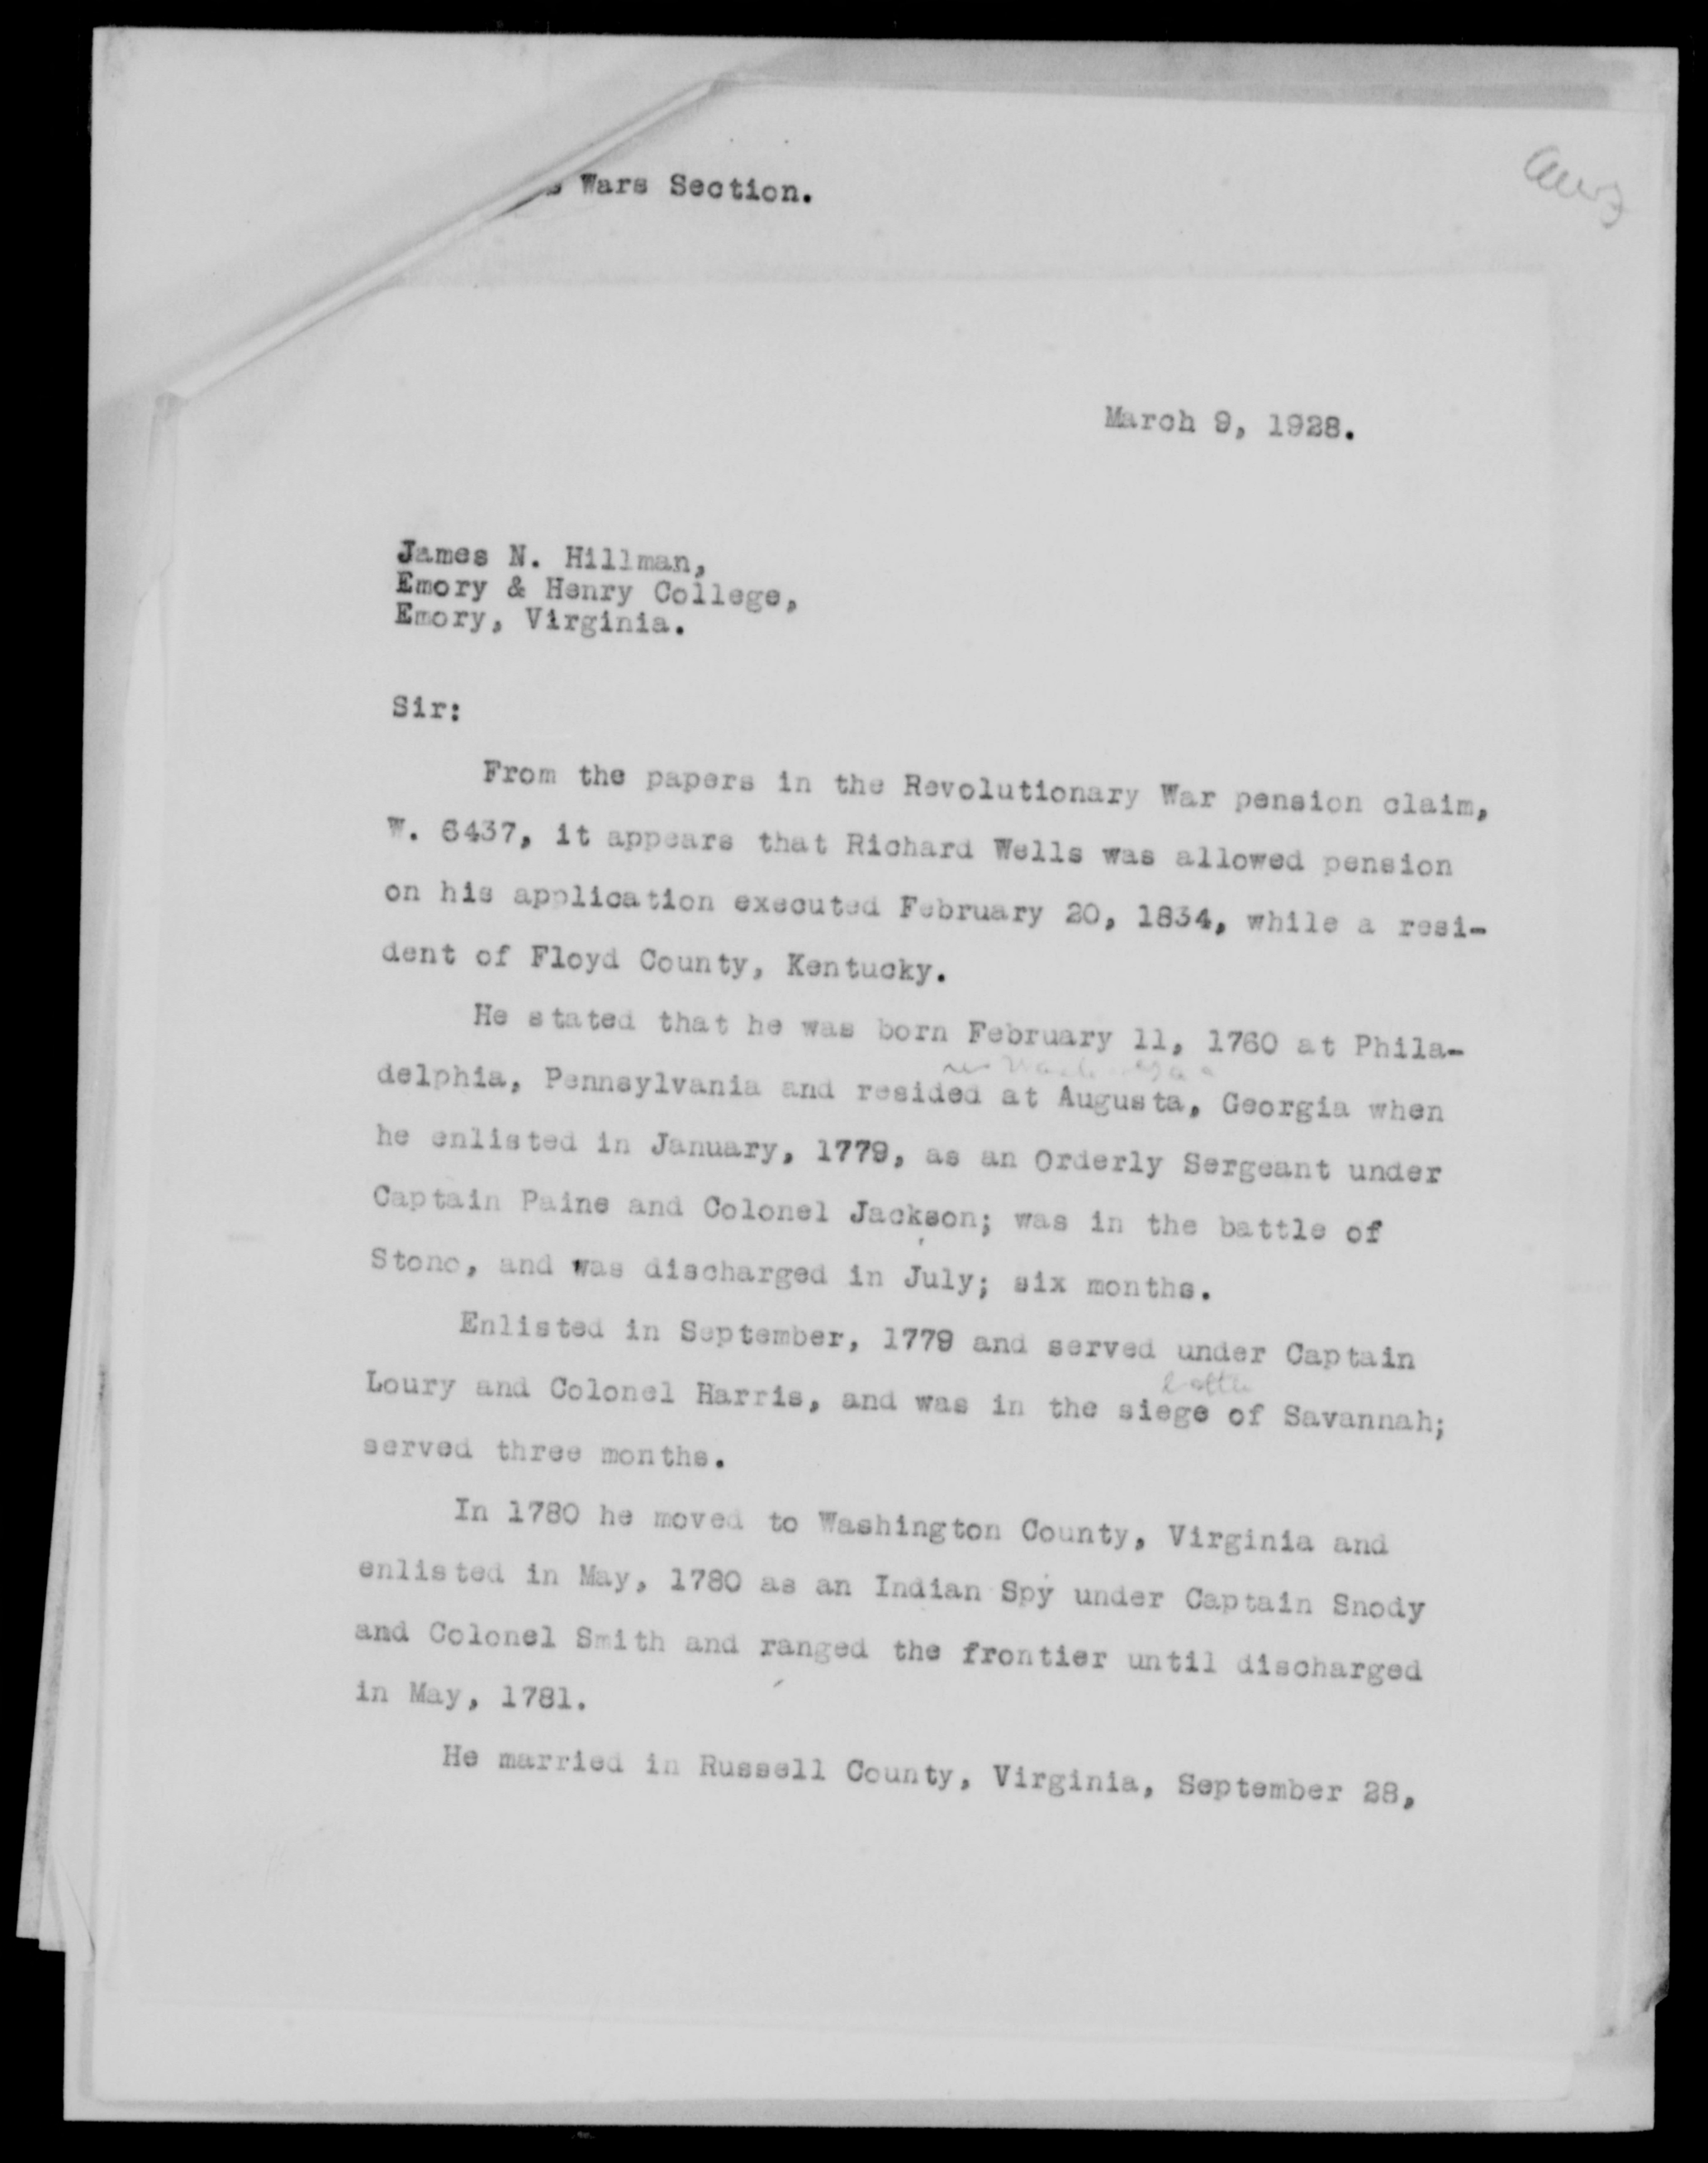Wars Section.

March 9, 1928.

James N. Hillman,
Emory & Henry College,
Emory, Virginia.

Sir:
From the papers in the Revolutionary War pension claim,
W. 6437, it appears that Richard Wells was allowed pension
on his application executed February 20, 1834, while a resident
of Floyd County, Kentucky.
He stated that he was born February 11, 1760 at Philadelphia,
 Pennsylvania and resided [illegible insert] at Augusta, Georgia when
he enlisted in January, 1779, as an Orderly Sergeant under
Captain Paine and Colonel Jackson; was in the battle of
Stono, and was discharged in July; six months.
Enlisted in September, 1779 and served under Captain
Loury and Colonel Harris, and was in the siege [insert-battle?] of Savannah;
served three months,
In 1780 he moved to Washington County, Virginia and
enlisted in May, 1780 as an Indian Spy under Captain Snody
and Colonel Smith and ranged the frontier until discharged
in May, 1781.
He married in Russell County, Virginia, September 28,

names: Jackson, Paine, Smith, Richard Wells, James N Hillman, Loury, Snody, Harris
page: 94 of 100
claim: widow's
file: W. 6437, Richard Wells, Ga Va.